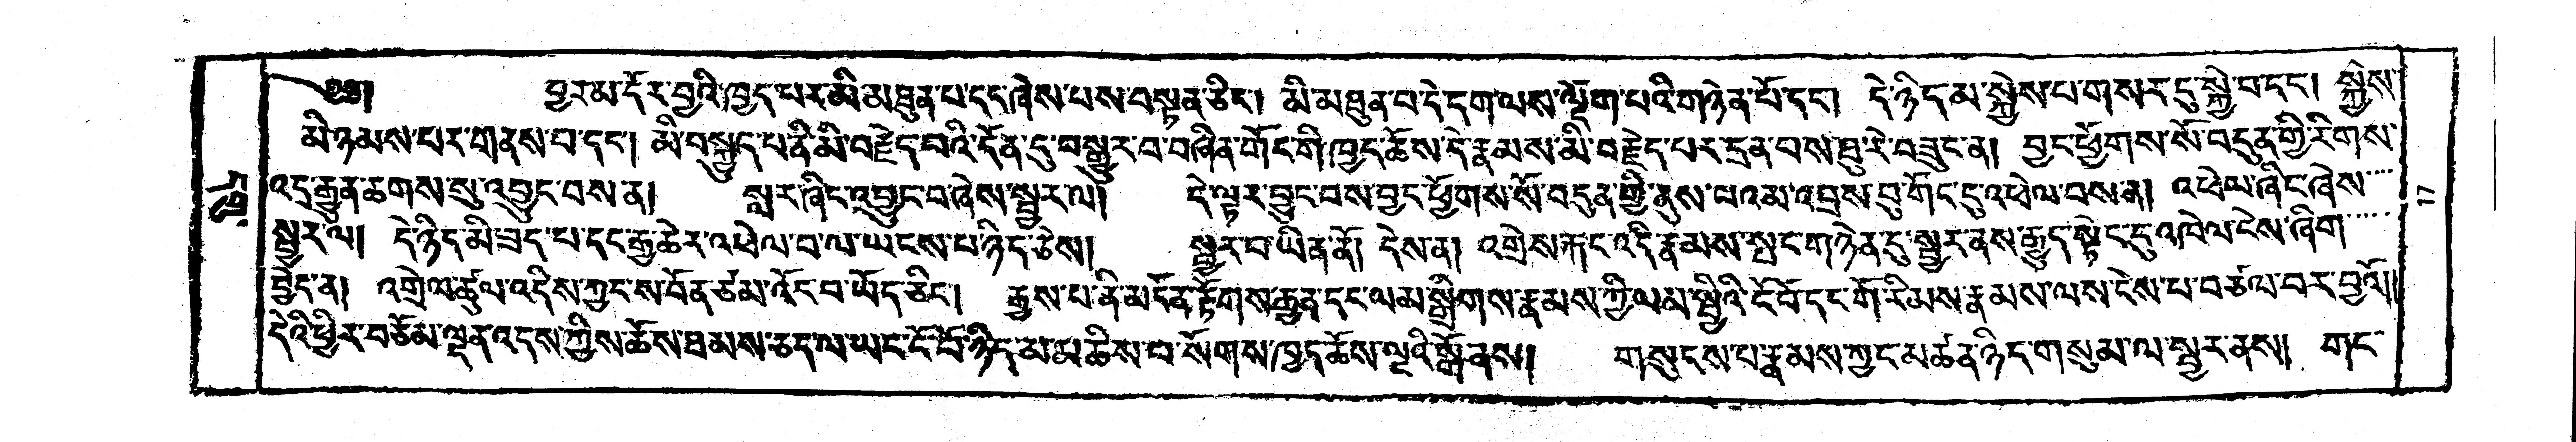༄༅། །བྱའམ་དོར་བྱའི་ཁྱད་པར་མི་མཐུན་པ་དང་ཞེས་པས་བསྟན་ཅིང་། མི་མཐུན་པ་དེ་དག་ལས་ལྡོག་པའི་གཉེན་པོ་དང་། དེ་ཉིད་མ་སྐྱེས་པ་གསར་དུ་སྐྱེ་བ་དང་། སྐྱེས་
པ་མི་ཉམས་པར་གནས་པ་དང་། མི་བསྐྱུད་པ་ནི་མི་བརྗེད་པའི་དོན་དུ་བསྒྱུར་བ་བཞིན་གོང་གི་ཁྱད་ཆོས་དེ་རྣམས་མི་བརྗེད་པར་དྲན་པས་ཐུ་རེ་བཟུང་ན། བྱང་ཕྱོགས་སོ་བདུན་གྱི་རིགས་
འདྲ་རྒྱུན་ཆགས་སུ་འབྱུང་བས་ན། སླར་ཞིང་འབྱུང་བ་ཞེས་སྦྱར་ལ། དེ་ལྟར་བྱུང་བས་བྱང་ཕྱོགས་སོ་བདུན་གྱི་ནུས་པའམ་འབྲས་བུ་གོང་དུ་འཕེལ་བས་ན། འཕེལ་ཞིང་ཞེས་
སྦྱར་ལ། དེ་ཉིད་མི་ཟད་པ་དང་རྒྱ་ཆེར་འཕེལ་བ་ལ་ཡངས་པ་ཉིད་ཅེས། སྦྱར་བ་ཡིན་ནོ། དེས་ན། འགྲེས་རྐང་འདི་རྣམས་སྤང་གཉེན་དུ་སྦྱར་ནས་རྒྱུད་སྟེང་དུ་འཁེལ་ངེས་ཞིག་
བྱེད་ན། འགྲེལ་ཚུལ་འདིས་ཀྱང་ས་བོན་ཙམ་འོང་བ་ཡོད་ཅིང་། རྒྱས་པ་ནི་མངོན་རྟོགས་རྒྱན་དང་ལམ་སྒྲིགས་རྣམས་ཀྱི་ལམ་སྤྱིའི་ངོ་བོ་དང་གོ་རིམས་རྣམས་ལས་ངེས་པ་བཙལ་བར་བྱའོ།།
དེའི་ཕྱིར་བཅོམ་ལྡན་འདས་ཀྱིས་ཆོས་ཐམས་ཅད་ལ་ཡང་ངོ་བོ་ཉིད་མ་མཆིས་པ་སོགས་ཁྱད་ཆོས་ལྔའི་སྒོ་ནས། གསུངས་པ་རྣམས་ཀྱང་མཚན་ཉིད་གསུམ་ལ་སྦྱར་ནས། གང་